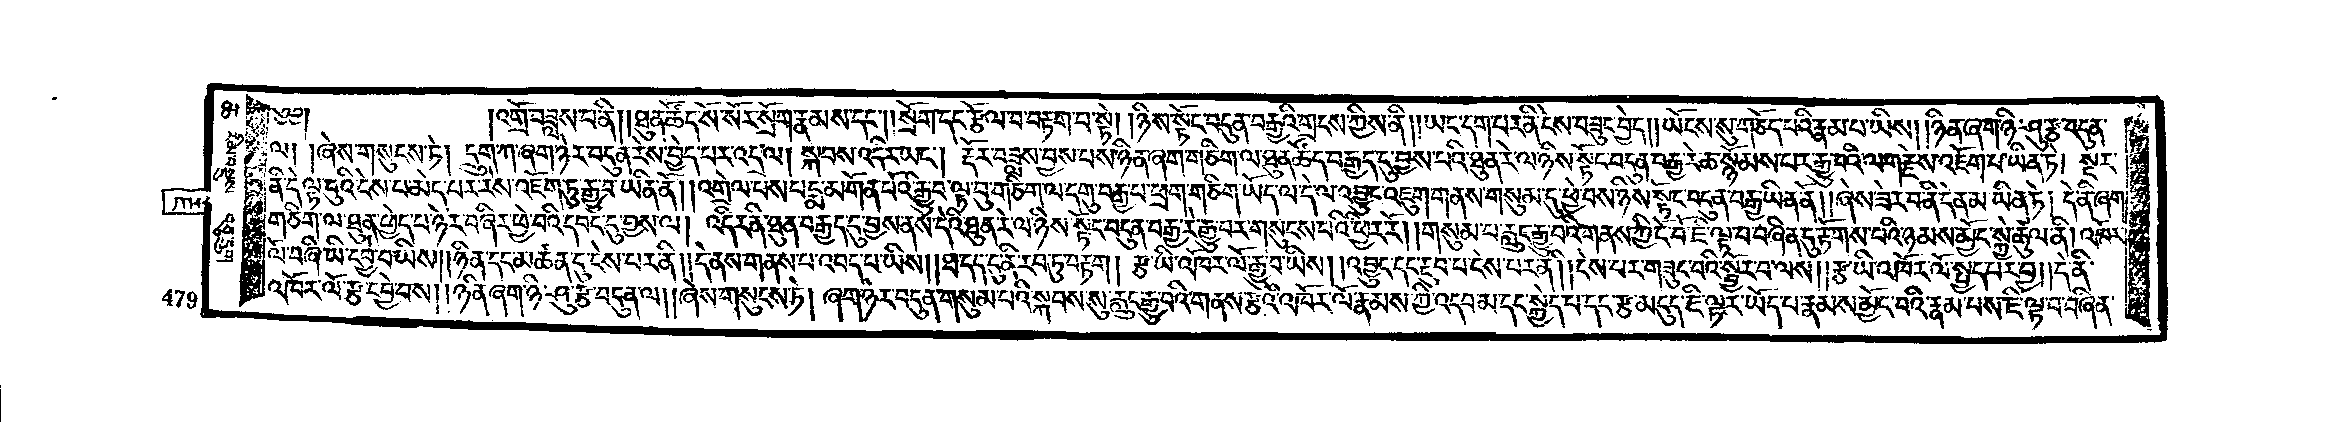༄༅། །འགྲོ་བཟླས་པ་ནི། །ཐུན་ཚོད་སོ་སོར་སྲོག་རྣམས་དང་། །སྲོག་དང་རྩོལ་བ་བརྟག་པ་སྟེ། །ཉིས་སྟོང་བདུན་བརྒྱའི་གྲངས་ཀྱིས་ནི། །ཡང་དག་པར་ནི་ངེས་བཟུང་བྱེད། །ཡོངས་སུ་གཅོད་པའི་རྣམ་པ་ཡིས། །ཉིན་ཞག་ཉི་ཤུ་རྩ་བདུན་
ལ། །ཞེས་གསུངས་ཏེ། དྲུག་ཀ་ཞག་ཉེར་བདུན་རེས་བྱེད་པར་འདྲ་ལ། སྐབས་འདིར་ཡང་། རྡོར་བཟླས་བྱས་པས་ཉིན་ཞག་གཅིག་ལ་ཐུན་ཚོད་བརྒྱད་དུ་བྱས་པའི་ཐུན་རེ་ལ་ཉིས་སྟོང་བདུན་བརྒྱ་རེ་ཆ་སྙོམས་པར་རྒྱུ་བའི་ལག་རྗེས་འཇོག་པ་ཡིན་ཏེ། སྔར་
ནི་དེ་ལྟ་བུའི་ངེས་པ་མེད་པར་རེས་འཇོག་ཏུ་རྒྱུ་བ་ཡིན་ནོ། །འགྲེལ་པས་པདམ་མགོན་པོའི་རྒྱུ་བ་ལྟ་བུ་གཅིག་ལ་དགུ་བརྒྱ་པ་ཕྲག་གཅིག་ཡོད་ལ་དེ་ལ་འབྱུང་འཇུག་གནས་གསུམ་དུ་ཕྱེ་བས་ཉིས་སྟོང་བདུན་བརྒྱ་ཡིན་ནོ། །ཞེས་ཟེར་བ་ནི་དོན་མ་ཡིན་ཏེ། དེ་ནི་ཞག་
གཅིག་ལ་ཐུན་ཕྱེད་པ་ཉེར་བཞིར་ཕྱེ་བའི་དབང་དུ་བྱས་ལ། འདིར་ནི་ཐུན་བརྒྱད་དུ་བྱས་ནས་དེའི་ཐུན་རེ་ལ་ཉིས་སྟོང་བདུན་བརྒྱ་རེ་རྒྱུ་བར་གསུངས་པའི་ཕྱིར་རོ། །གསུམ་པ་རླུང་རྒྱུ་བའི་གནས་ཀྱི་ངོ་བོ་ཇི་ལྟ་བ་བཞིན་དུ་རྟོགས་པའི་ཉམས་མྱོང་སྐྱེ་ཚུལ་ནི། འཁོར་
ལོ་བཞི་ཡི་དབྱེ་བ་ཡིས། །ཉིན་དང་མཚན་དུ་ངེས་པར་ནི། །དེ་ནས་གནས་པ་འབད་པ་ཡིས། །ཐ་དད་དུ་ནི་རབ་ཏུ་བརྟག །རྩ་ཡི་འཁོར་ལོ་རྒྱུ་བ་ཡིས། །འབྱུང་དང་རྔུབ་པ་ངེས་པར་ནི། །ངེས་པར་གཟུང་བའི་སྦྱོར་བ་ལས། །རྩ་ཡི་འཁོར་ལོ་སྤྱད་པར་བྱ། །དེ་ནི་
འཁོར་ལོ་རྩ་དབྱེ་བས། །ཉིན་ཞག་ཉི་ཤུ་རྩ་བདུན་ལ། །ཞེས་གསུངས་ཏེ། ཞག་ཉེར་བདུན་གསུམ་པའི་སྐབས་སུ་རླུང་རྒྱུ་བའི་གནས་རྩའི་འཁོར་ལོ་རྣམས་ཀྱི་འདབ་མ་དང་སྐྱེད་པ་དང་རྩ་མདུད་ཇི་ལྟར་ཡོད་པ་རྣམས་མྱོང་བའི་རྣམ་པས་ཇི་ལྟ་བ་བཞིན་